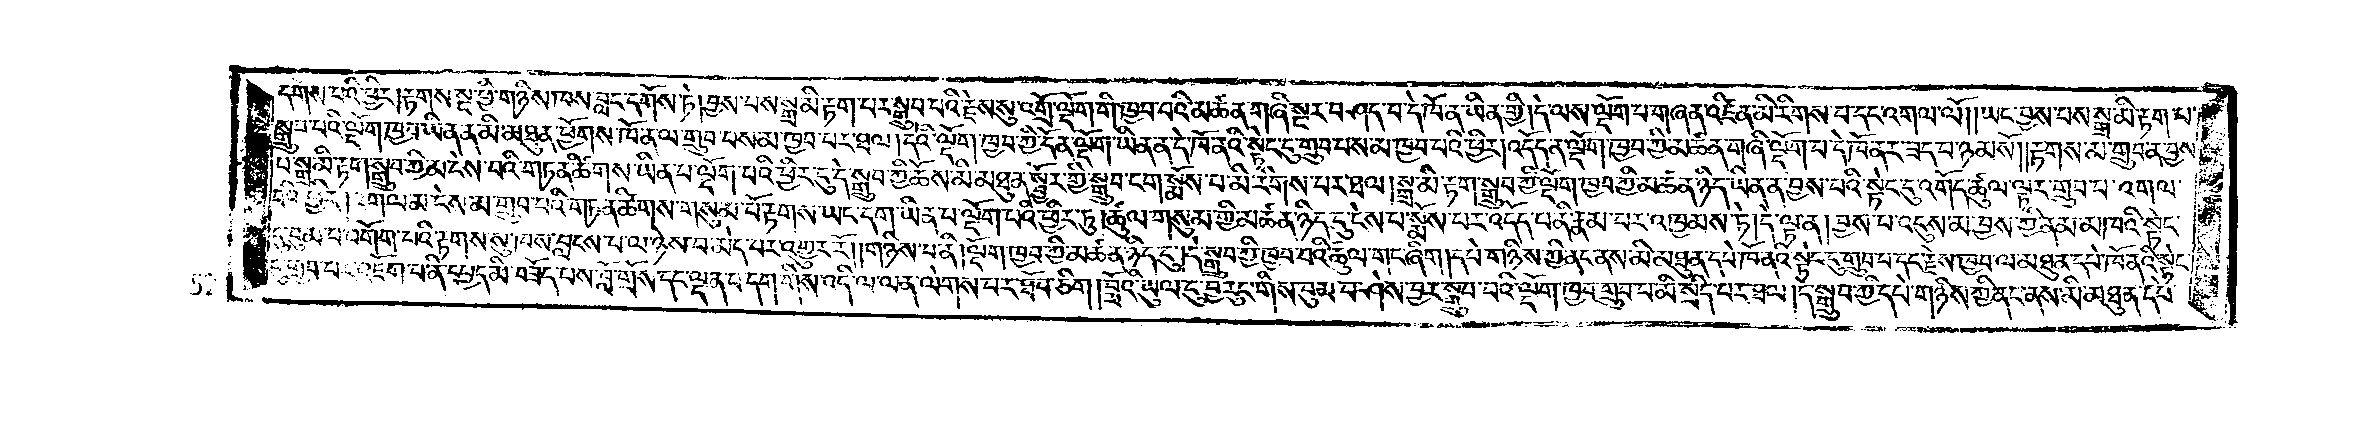དགོས་པའི་ཕྱིར། རྟགས་སྔ་ཕྱི་གཉིས་ཁས་བླང་དགོས་ཏེ། བྱས་པས་སྒྲ་མི་རྟག་པར་སྒྲུབ་པའི་རྗེས་སུ་འགྲོ་ལྡོག་གི་ཁྱབ་པའི་མཚན་གཞི་སྔར་བཤད་པ་དེ་ཁོ་ན་ཡིན་གྱི། དེ་ལས་ལྡོག་པ་གཞན་འཛིན་མི་རིགས་པ་དང་འགལ་ལོ། །ཡང་བྱས་པས་སྒྲ་མི་རྟག་པ་
སྒྲུབ་པའི་ལྡོག་ཁྱབ་ཡིན་ན་མི་མཐུན་ཕྱོགས་ཁོ་ན་ལ་གྲུབ་པས་མ་ཁྱབ་པར་ཐལ། དེའི་ལྡོག་ཁྱབ་ཀྱི་དོན་ལྡོག་ཡིན་ན་དེ་ཁོ་ནའི་སྟེང་དུ་གྲུབ་པས་མ་ཁྱབ་པའི་ཕྱིར། འདོད་ན་ལྡོག་ཁྱབ་ཀྱི་མཚན་གཞི་ལྡོག་པ་དེ་ཁོ་ནར་ཟད་པ་ཉམས་སོ། །རྟགས་མ་གྲུབ་ན་བྱས་
པ་སྒྲ་མི་རྟག་སྒྲུབ་ཀྱི་མ་ངེས་པའི་གཏན་ཚིགས་ཡིན་པ་ལྡོག་པའི་ཕྱིར་དུ་དེ་སྒྲུབ་ཀྱི་ཆོས་མི་མཐུན་སྦྱོར་གྱི་སྒྲུབ་ངག་སྨོས་པ་མི་རིགས་པར་ཐལ། སྒྲ་མི་རྟག་སྒྲུབ་ཀྱི་ལྡོག་ཁྱབ་ཀྱི་མཚན་ཉིད་ཡིན་ན་བྱས་པའི་སྟེང་དུ་འགོད་ཚུལ་ལྟར་གྲུབ་པ་འགལ་
བའི་ཕྱིར། འགལ་མ་ངེས་མ་གྲུབ་པའི་གཏན་ཚིགས་གསུམ་པོ་རྟགས་ཡང་དག་ཡིན་པ་ལྡོག་པའི་ཕྱིར་ཏུ། ཚུལ་གསུམ་གྱི་མཚན་ཉིད་དུ་ངེས་པ་སྨོས་པར་འདོད་པ་ནི་རྣམ་པར་འཁྱམས་ཏེ། དེ་ལྟ་ན། བྱས་པ་འདུས་མ་བྱས་ཀྱི་ནམ་མཁའི་སྟེང་
དུ་བུམ་པ་འགོག་པའི་རྟགས་སུ་ཁས་བླངས་པ་ལ་ཉེས་པ་མེད་པར་འགྱུར་རོ། །གཉིས་པ་ནི། ལྡོག་ཁྱབ་ཀྱི་མཚན་ཉིད་དུ། དེ་སྒྲུབ་ཀྱི་ཁྱབ་པའི་ཚུལ་གང་ཞིག །དཔེ་གཉིས་ཀྱི་ནང་ནས་མི་མཐུན་དཔེ་ཁོ་ནའི་སྟེང་དུ་གྲུབ་པ་དང་རྗེས་ཁྱབ་ལ་མཐུན་དཔེ་ཁོ་ནའི་སྟེང་
དུ་གྲུབ་པར་འཇོག་པ་ནི་དཔྱད་མི་བཟོད་པས་བློ་གྲོས་དང་ལྡན་པ་དག་གིས་འདི་ལ་ལན་ལེགས་པར་ཐོབ་ཅིག །བློའི་ཡུལ་དུ་བྱ་རུང་གིས་བུམ་པ་ཤེས་བྱར་སྒྲུབ་པའི་ལྡོག་ཁྱབ་གྲུབ་པ་མི་སྲིད་པར་ཐལ། དེ་སྒྲུབ་ཀྱི་དཔེ་གཉིས་ཀྱི་ནང་ནས་མི་མཐུན་དཔེ་